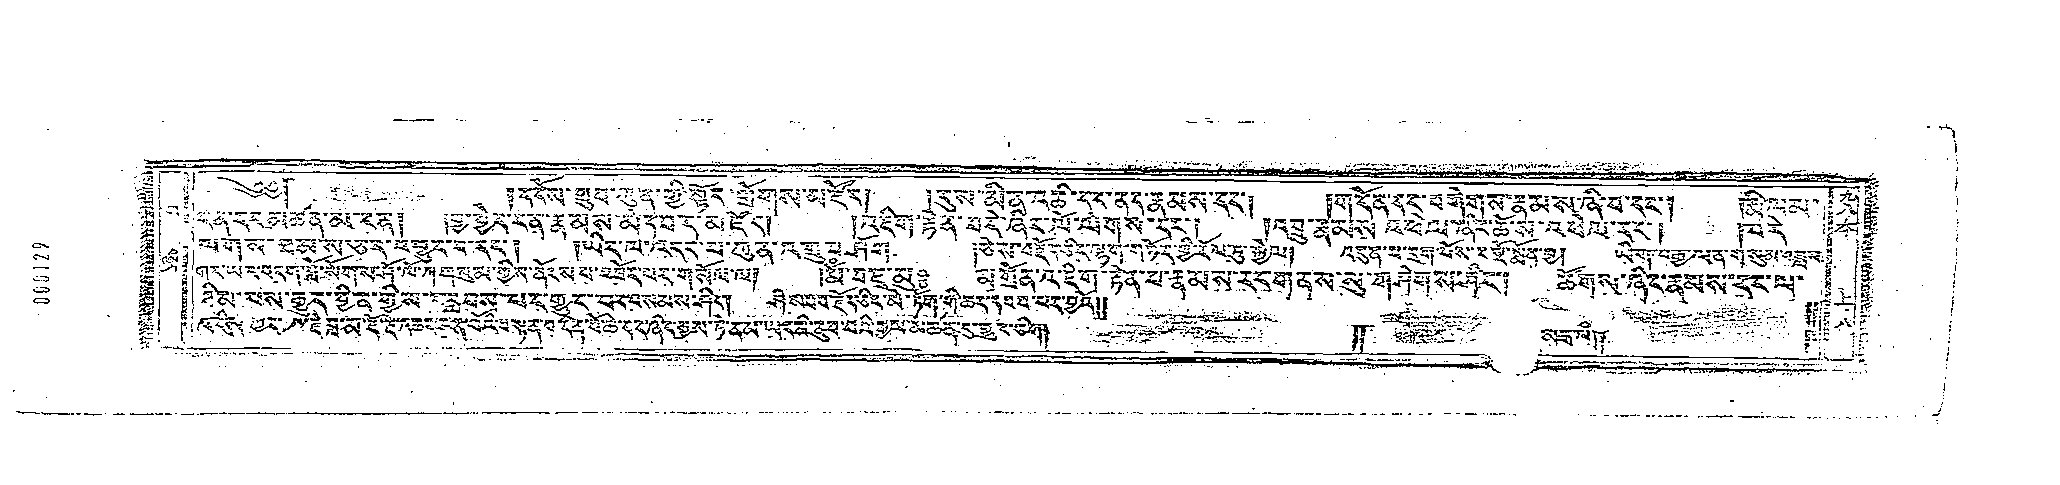༄༅། །དངོས་གྲུབ་ཀུན་གྱི་སྟོང་གྲོགས་མཛོད། །དུས་མིན་འཆི་དང་ནད་རྣམས་དང་། །གདོན་དང་བགེགས་རྣམས་ཞི་བ་དང་། །རྨི་ལམ་
ངན་དང་མཚན་མ་ངན། །བྱ་བྱེད་ངན་རྣམས་མེད་པར་མཛོད། །འཇིག་རྟེན་བ་དེ་ཞིང་ལོ་ལེགས་དང་། །འབྲུ་རྣམས་འཕེལ་ཞིང་ཆོས་འཕེལ་དང་། །བདེ་
ལེགས་ཐམས་ཅད་འབྱུང་བ་དང་། །ཡིད་ལ་འདོད་པ་ཀུན་འགྲུབ་ཤོག །ཅེས་བརྗོད་ཅིང་ལྷག་གཏོར་ཕྱི་རོལ་ཏུ་སྐྱེལ། འདུན་པ་དྲག་པོས་བསྔོ་སྨོན་བྱ། ཡིག་བརྒྱ་ལན་གསུམ་བཟླས་
གང་ཡང་བདག་བློ་སོགས་ཤོ་ལོ་ཀ་གསུམ་གྱིས་ནོངས་པ་བཟོད་པར་གསོལ་ལ། ཨོཾ་བཛྲ་མུཿ་མགྲོན་འཇིག་རྟེན་པ་རྣམས་རང་གནས་སུ་གཤེགས་ཤིང་། ཚོགས་ཞིང་རྣམས་རང་ལ་
ཐིམ་པས་རྒྱུད་བྱིན་གྱིས་བརླབས་པར་གྱུར་པར་བསམས་ཤིང་། ཤིས་པ་བརྗོད་ཅིང་མེ་ཏོག་གི་ཆར་དབབ་པར་བྱའོ།། །།
འདིས་ཀྱང་༧་རྗེ་བླ་མ་རྡོ་རྗེ་འཆང་ཆེན་པོའི་བསྟན་པ་རིན་པོ་ཆེ་དར་ཞིང་རྒྱས་ཏེ་ནམ་ཡང་མི་ནུབ་པའི་རྒྱལ་མཚན་དུ་གྱུར་ཅིག། །།མངྒ་ལཾ།། །།